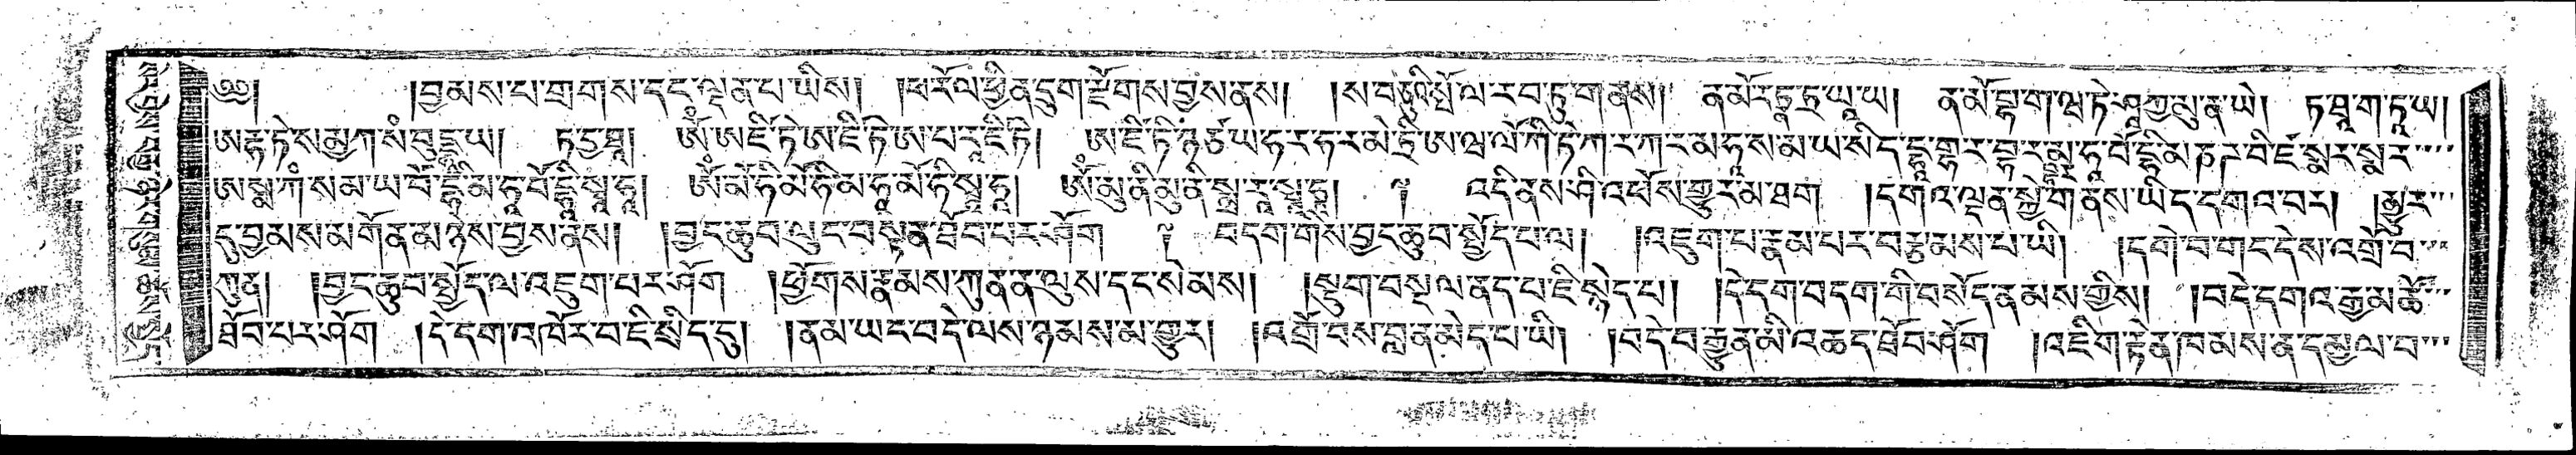༄༅། །བྱམས་པ་གྲགས་དང་ལྡན་པ་ཡིས། །ཕ་རོལ་ཕྱིན་དྲུག་རྫོགས་བྱས་ནས། །ས་བཅུའི་སྤོ་ལ་རབ་ཏུ་གནས། ན་མོ་རཏྣ་ཏྲ་ཡཱ་ཡ། ན་མོ་བྷ་ག་ཝ་ཏེ་ཤཱཀྱ་མུ་ན་ཡེ། ཏ་ཐཱ་ག་ཏཱ་ཡ།
ཨརྷ་ཏེ་སམྱཀ་སཾ་བུདྡྷཱ་ཡ། ཏ་དྱ་ཐཱ། ཨོཾ་ཨཛི་ཏེ་ཨ་ཛི་ཏེ་ཨ་པ་རཱ་ཛི་ཏེ། ཨ་ཛི་ཏི་ཉཙ་ཡ་ཧ་ར་ཧ་ར་མེ་ཏྲི་ཨ་ཝ་ལོ་ཀི་ཏེ་ཀ་ར་ཀ་ར་མ་ཧཱ་ས་མ་ཡ་སིད་དྷཱ་གྷ་ར་བྷ་ར་བྷ་མྲ་ཧཱ་བོ་དྷི་མྞཌ་བི་ཛ་སྨར་སྨར་
ཨ་སྨ་ཀཾ་སམ་ཡ་བོ་དྷི་མ་ཧཱ་བོ་དྷཱི་སྭཱ་ཧཱ། ཨོཾ་མོ་ཧི་མོ་ཧི་མ་ཧཱ་མོ་ཧི་སྭཱ་ཧཱ། ཨོཾ་མུ་ནི་མུ་ནི་སྨྲ་རཱ་སྭཱ་ཧཱ། ༈ འདི་ནས་ཤི་འཕོས་གྱུར་མ་ཐག །དགའ་ལྡན་སྐྱེ་གནས་ཡིད་དགའ་བར། །མྱུར་
དུ་བྱམས་མགོན་མཉེས་བྱས་ནས། །བྱང་ཆུབ་ལུང་བསྟན་ཐོབ་པར་ཤོག ༈ བདག་གིས་བྱང་ཆུབ་སྤྱོད་པ་ལ། །འཇུག་པ་རྣམ་པར་བརྩམས་པ་ཡི། །དགེ་བ་གང་དེས་འགྲོ་བ་
ཀུན། །བྱང་ཆུབ་སྤྱོད་ལ་འཇུག་པར་ཤོག །ཕྱོགས་རྣམས་ཀུན་ན་ལུས་དང་སེམས། །སྡུག་བསྔལ་ནད་པ་ཇི་སྙེད་པ། །དེ་དག་བདག་གི་བསོད་ནམས་གྱིས། །བདེ་དགའ་རྒྱ་མཚོ་
ཐོབ་པར་ཤོག །དེ་དག་འཁོར་བ་ཇི་སྲིད་དུ། །ནམ་ཡང་བདེ་ལས་ཉམས་མ་གྱུར། །འགྲོ་བས་བླ་ན་མེད་པ་ཡི། །བདེ་བ་རྒྱུན་མི་འཆད་ཐོབ་ཤོག །འཇིག་རྟེན་ཁམས་ན་དམྱལ་བ་